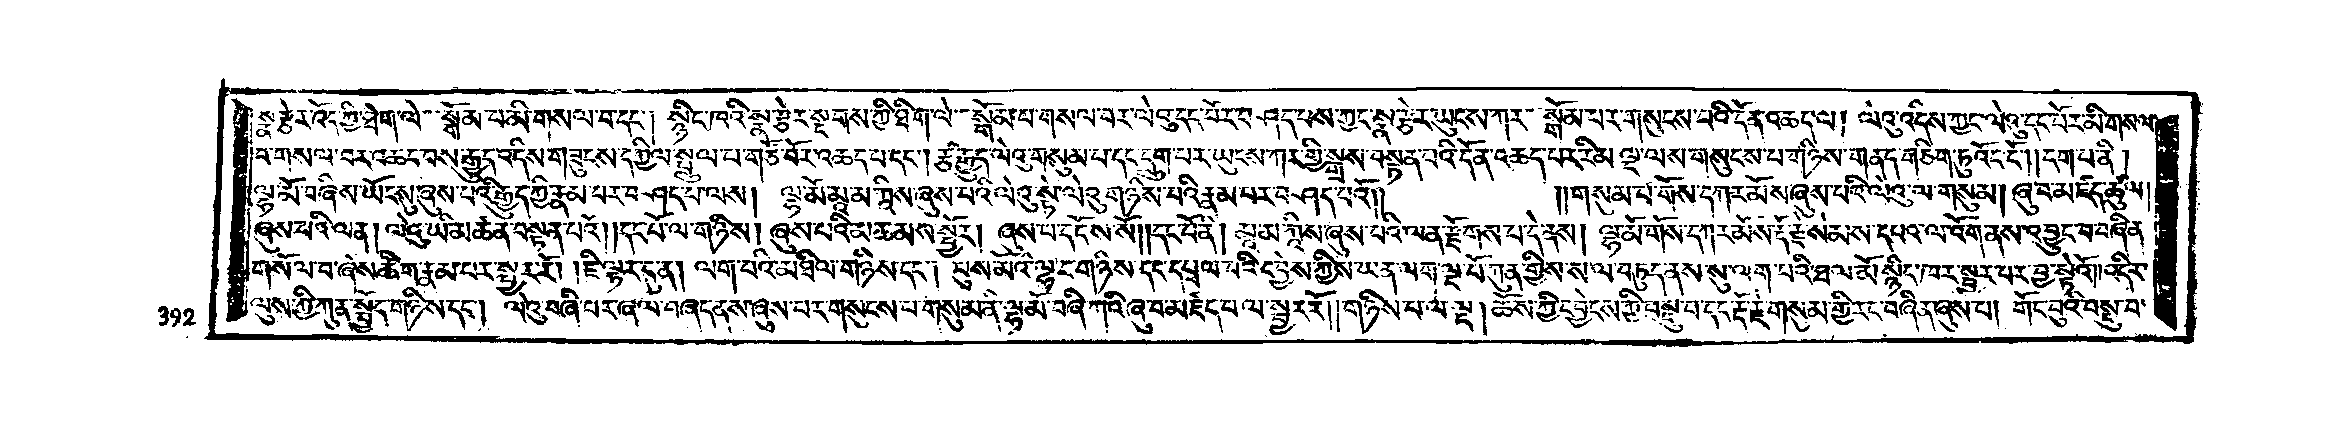སྣ་རྩེར་འོད་ཀྱི་ཐིག་ལེ་སྒོམ་པ་མི་གསལ་བ་དང་། སྙིང་ཁའི་སྣ་རྩེར་སྔགས་ཀྱི་ཐིག་ལེ་སྒོམ་པ་གསལ་བར་ལེའུ་དང་པོར་བཤད་པས་ཀྱང་སྣ་རྩེར་ཡུངས་ཀར་སྒོམ་པར་གསུངས་པའི་དོན་འཆད་ལ། ལེའུ་འདིས་ཀྱང་ལེའུ་དང་པོར་མི་གསལ་
བ་གསལ་བར་འཆད་པས་རྒྱུད་འདིས་གཟུངས་དཀྱིལ་སྤྲུལ་པ་གཙོ་བོར་འཆད་པ་དང་། རྩ་རྒྱུད་ལེའུ་གསུམ་པ་དང་དྲུག་པར་ཡུངས་ཀར་གྱི་སྒྲས་བསྟན་པའི་དོན་འཆད་པར་རིམ་ལྔ་ལས་གསུངས་པ་གཉིས་གནད་གཅིག་ཏུ་འོང་ངོ། །དྲུག་པ་ནི།
ལྷ་མོ་བཞིས་ཡོངས་སུ་ཞུས་པའི་རྒྱུད་ཀྱི་རྣམ་པར་བཤད་པ་ལས། ལྷ་མོ་མཱ་མ་ཀཱིས་ཞུས་པའི་ལེའུ་སྟེ་ལེའུ་གཉིས་པའི་རྣམ་པར་བཤད་པའོ།། །།གསུམ་པ་གོས་དཀར་མོས་ཞུས་པའི་ལེའུ་ལ་གསུམ། ཞུ་བ་མཛད་ཚུལ།
ཞུས་པའི་ལན། ལེའུ་ཡི་མཚན་བསྟན་པའོ། །དང་པོ་ལ་གཉིས། ཞུས་པའི་མཚམས་སྦྱོར། ཞུས་པ་དངོས་སོ། །དང་པོ་ནི། མཱ་མ་ཀཱིས་ཞུས་པའི་ལན་རྫོགས་པ་དེ་ནས། ལྷ་མོ་གོས་དཀར་མོས་རྡོ་རྗེ་སེམས་དཔའ་ལ་འོག་ནས་འབྱུང་བ་བཞིན་
གསོལ་བ་ཞེས་ཚིག་རྣམ་པར་སྦྱར་རོ། །ཇི་ལྟར་དུ་ན། ལག་པའི་མཐིལ་གཉིས་དང་། པུས་མོའི་ལྷ་ང་གཉིས་དང་དཔྲལ་བའི་དབྱེས་ཀྱིས་ཡན་ལག་ལྔ་པོ་ཀུན་གྱིས་ས་ལ་བཏུད་ནས་སུ་ལག་པའི་ཐལ་མོ་སྙིང་ཁར་སྦྱར་བར་བྱ་སྟེའོ། །འདིས་
ལུས་ཀྱི་ཀུན་སྤྱོད་གཉིས་དང་། ལེའུ་བཞི་པར་ཞལ་བཞད་ནས་ཞུས་པར་གསུངས་པ་གསུམ་ནི་ལྷ་མོ་བཞི་ཀའི་ཞུ་བ་མཛད་པ་ལ་སྦྱར་རོ། །གཉིས་པ་ལ་ལྔ། ཆོས་ཀྱི་དབྱིངས་ཀྱི་བསྡུ་བ་དང་རྡོ་རྗེ་གསུམ་གྱི་རང་བཞིན་ཞུས་པ། གོང་བུའི་བསྡུ་བ་